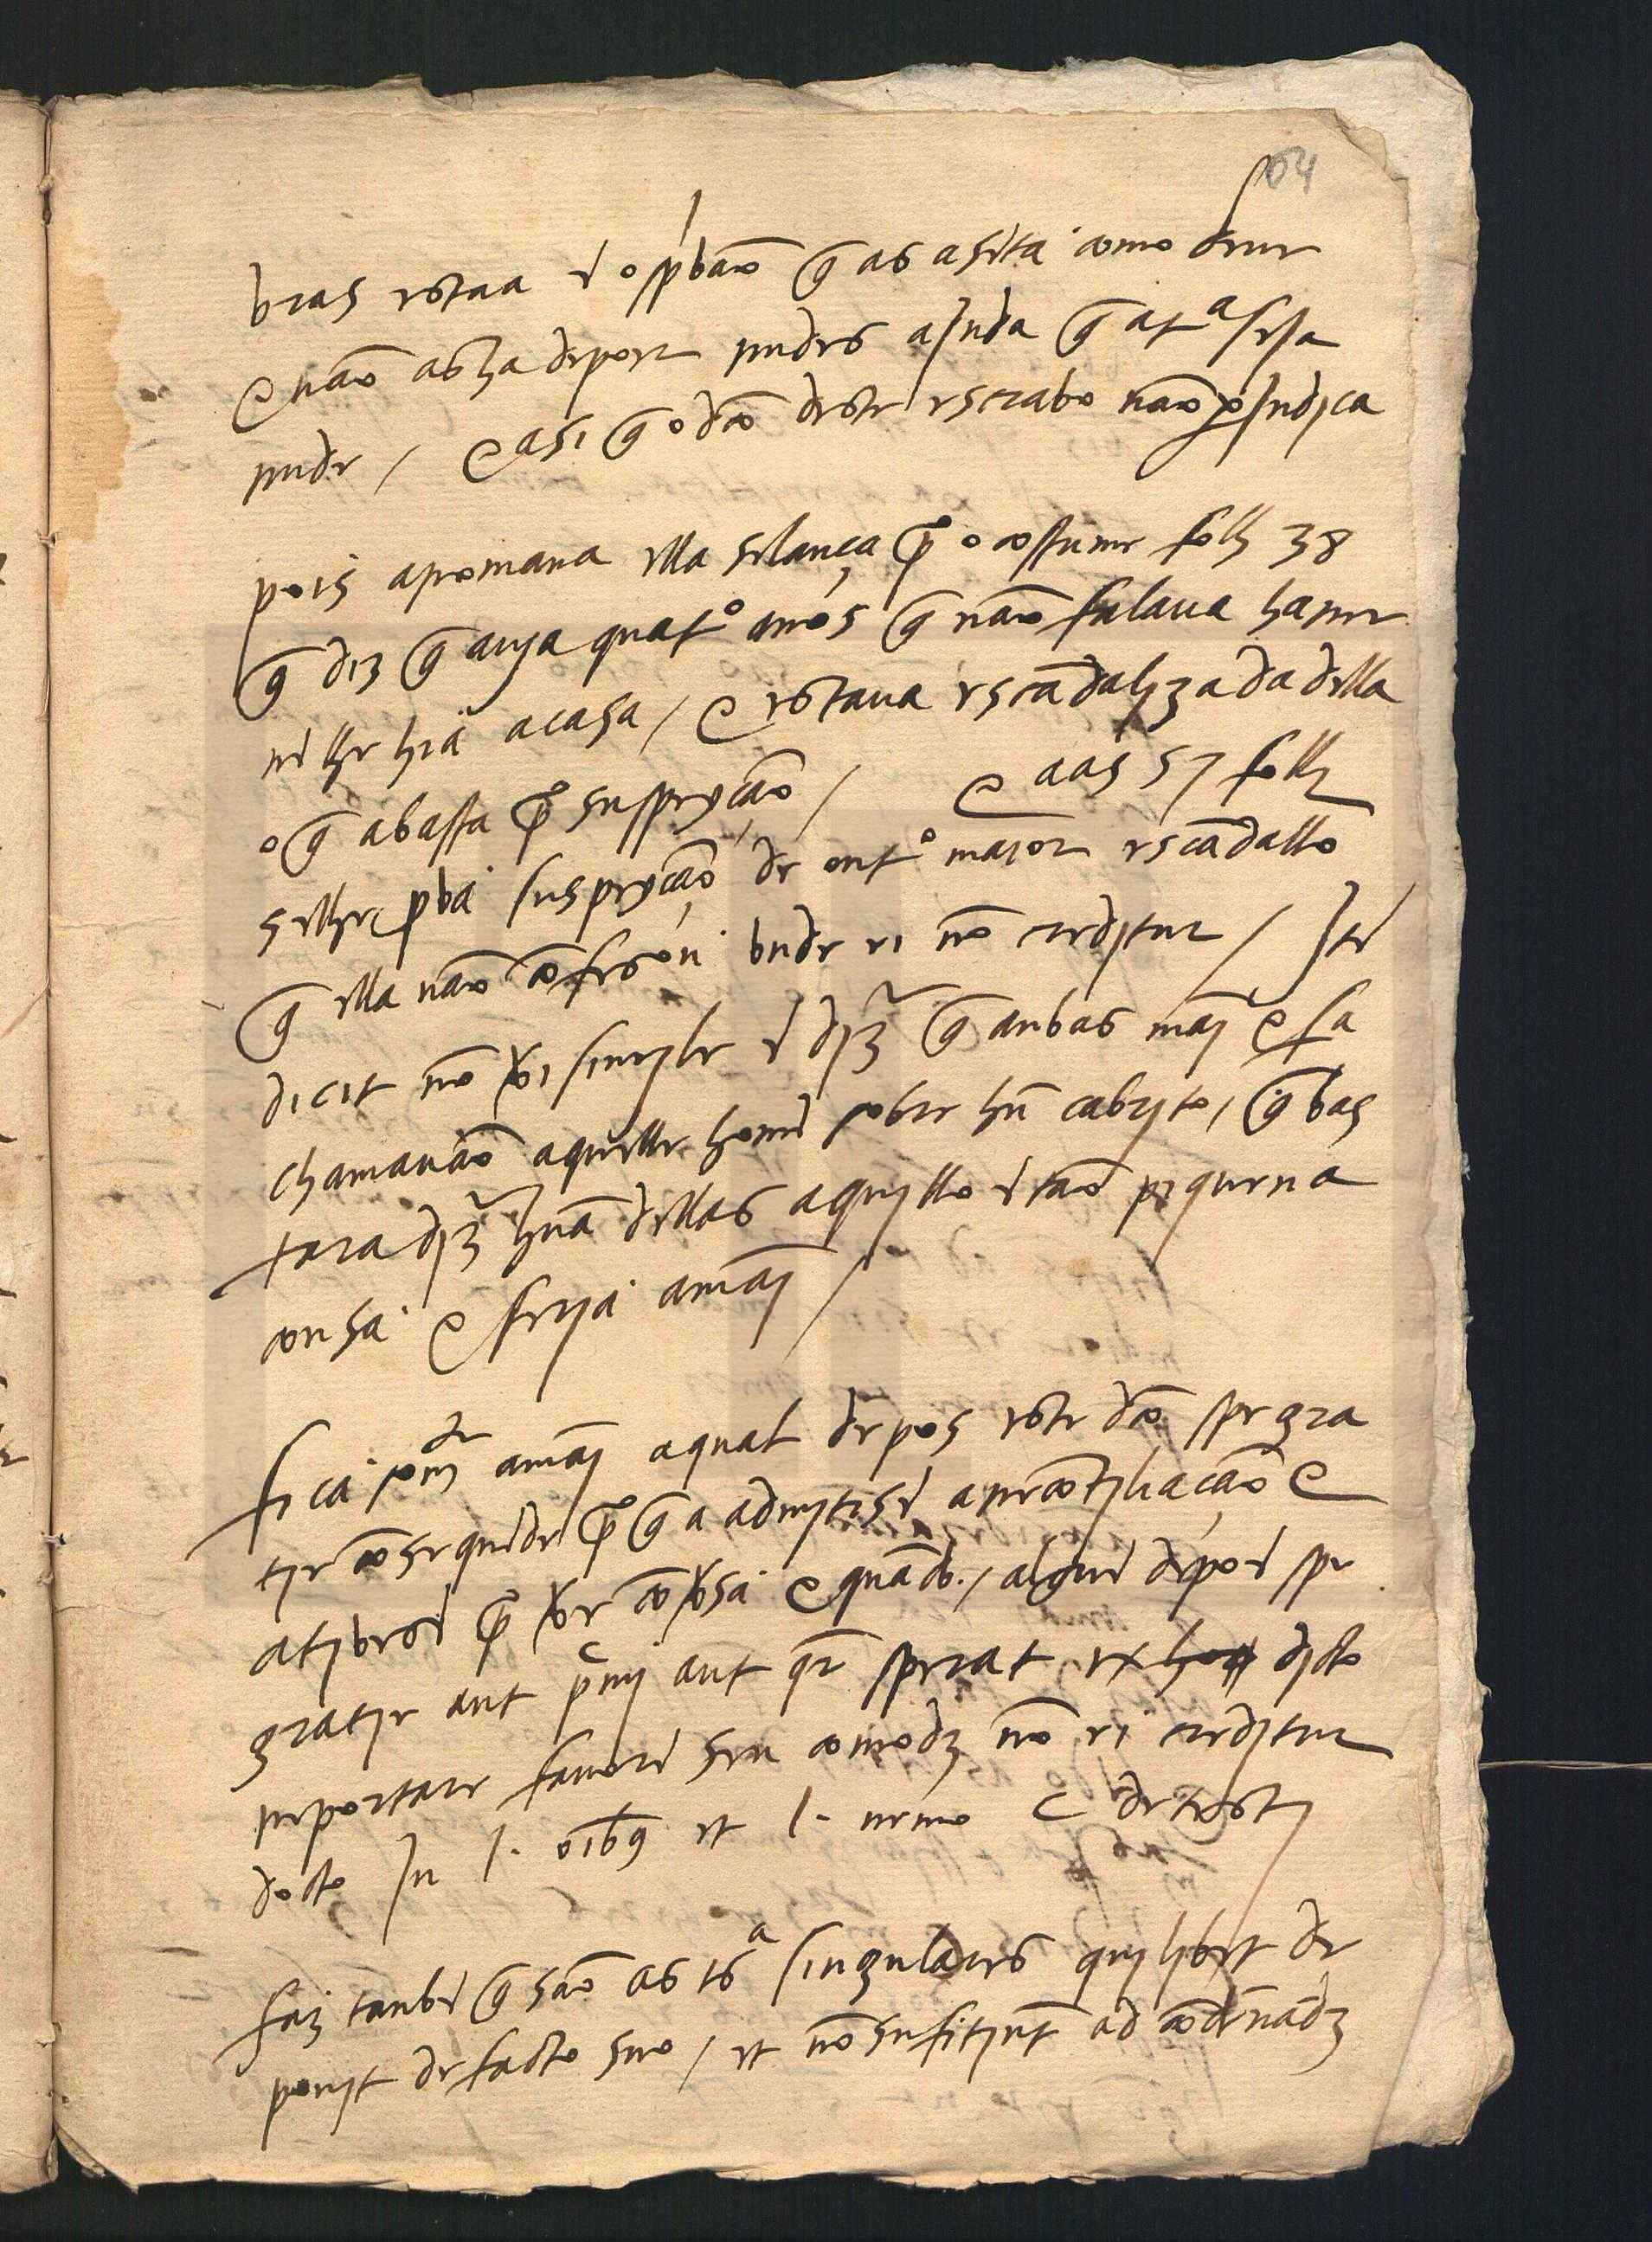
vras estaa ē o espivão q̄ as asēta como deue
e não as ha de poer rudes aJnda q̄ a ta seja
rude / e asi q̄ o dt̄o deste escravo não ꝑJudjca
pois a romana ella se lança p̄o o costume folh 38
q̄ diz q̄ auja quato anos q̄ não falaua ha ree
nē lhe hia a casa / e estaua escādaljzada della
o q̄ a basta p̄o suspeyção / e aas 57 folh
se lhe ꝓva suspeyção de outo maior escādallo
q̄ ella não c̄ofesou vnde ei n̄o credjtur / Jtē
dicit n̄o ꝟsimjle ē djz̄ q̄ ambas mãj e fa
chamauão aquelle homē sobre hū cabrjto, q̄ bas
tara djz̄ huā dellas aqujllo ē tão piquena
cousa e serja a mãj
fica somte a mãj a quaL depos este dc̄o spe gra
tjr c̄osequēde p̄oq̄ a admjtisē a recōtjliação e
a tjvesē p̄o ꝟe c̄oꝟsa e quādo / alguē depoē spe
gratjr aut p̄mj aut q̄r sperat ex hoc djcto
reportare fauorē seu comodꝫ n̄o ei credjtur
docto Jn l. oībꝯ et l. nemo C de testj
faz tanbē q̄ são as tsa singulares quj ljbet de
ponjt de facto suo / et n̄o sufitjēt ad c̄odenādꝫ
